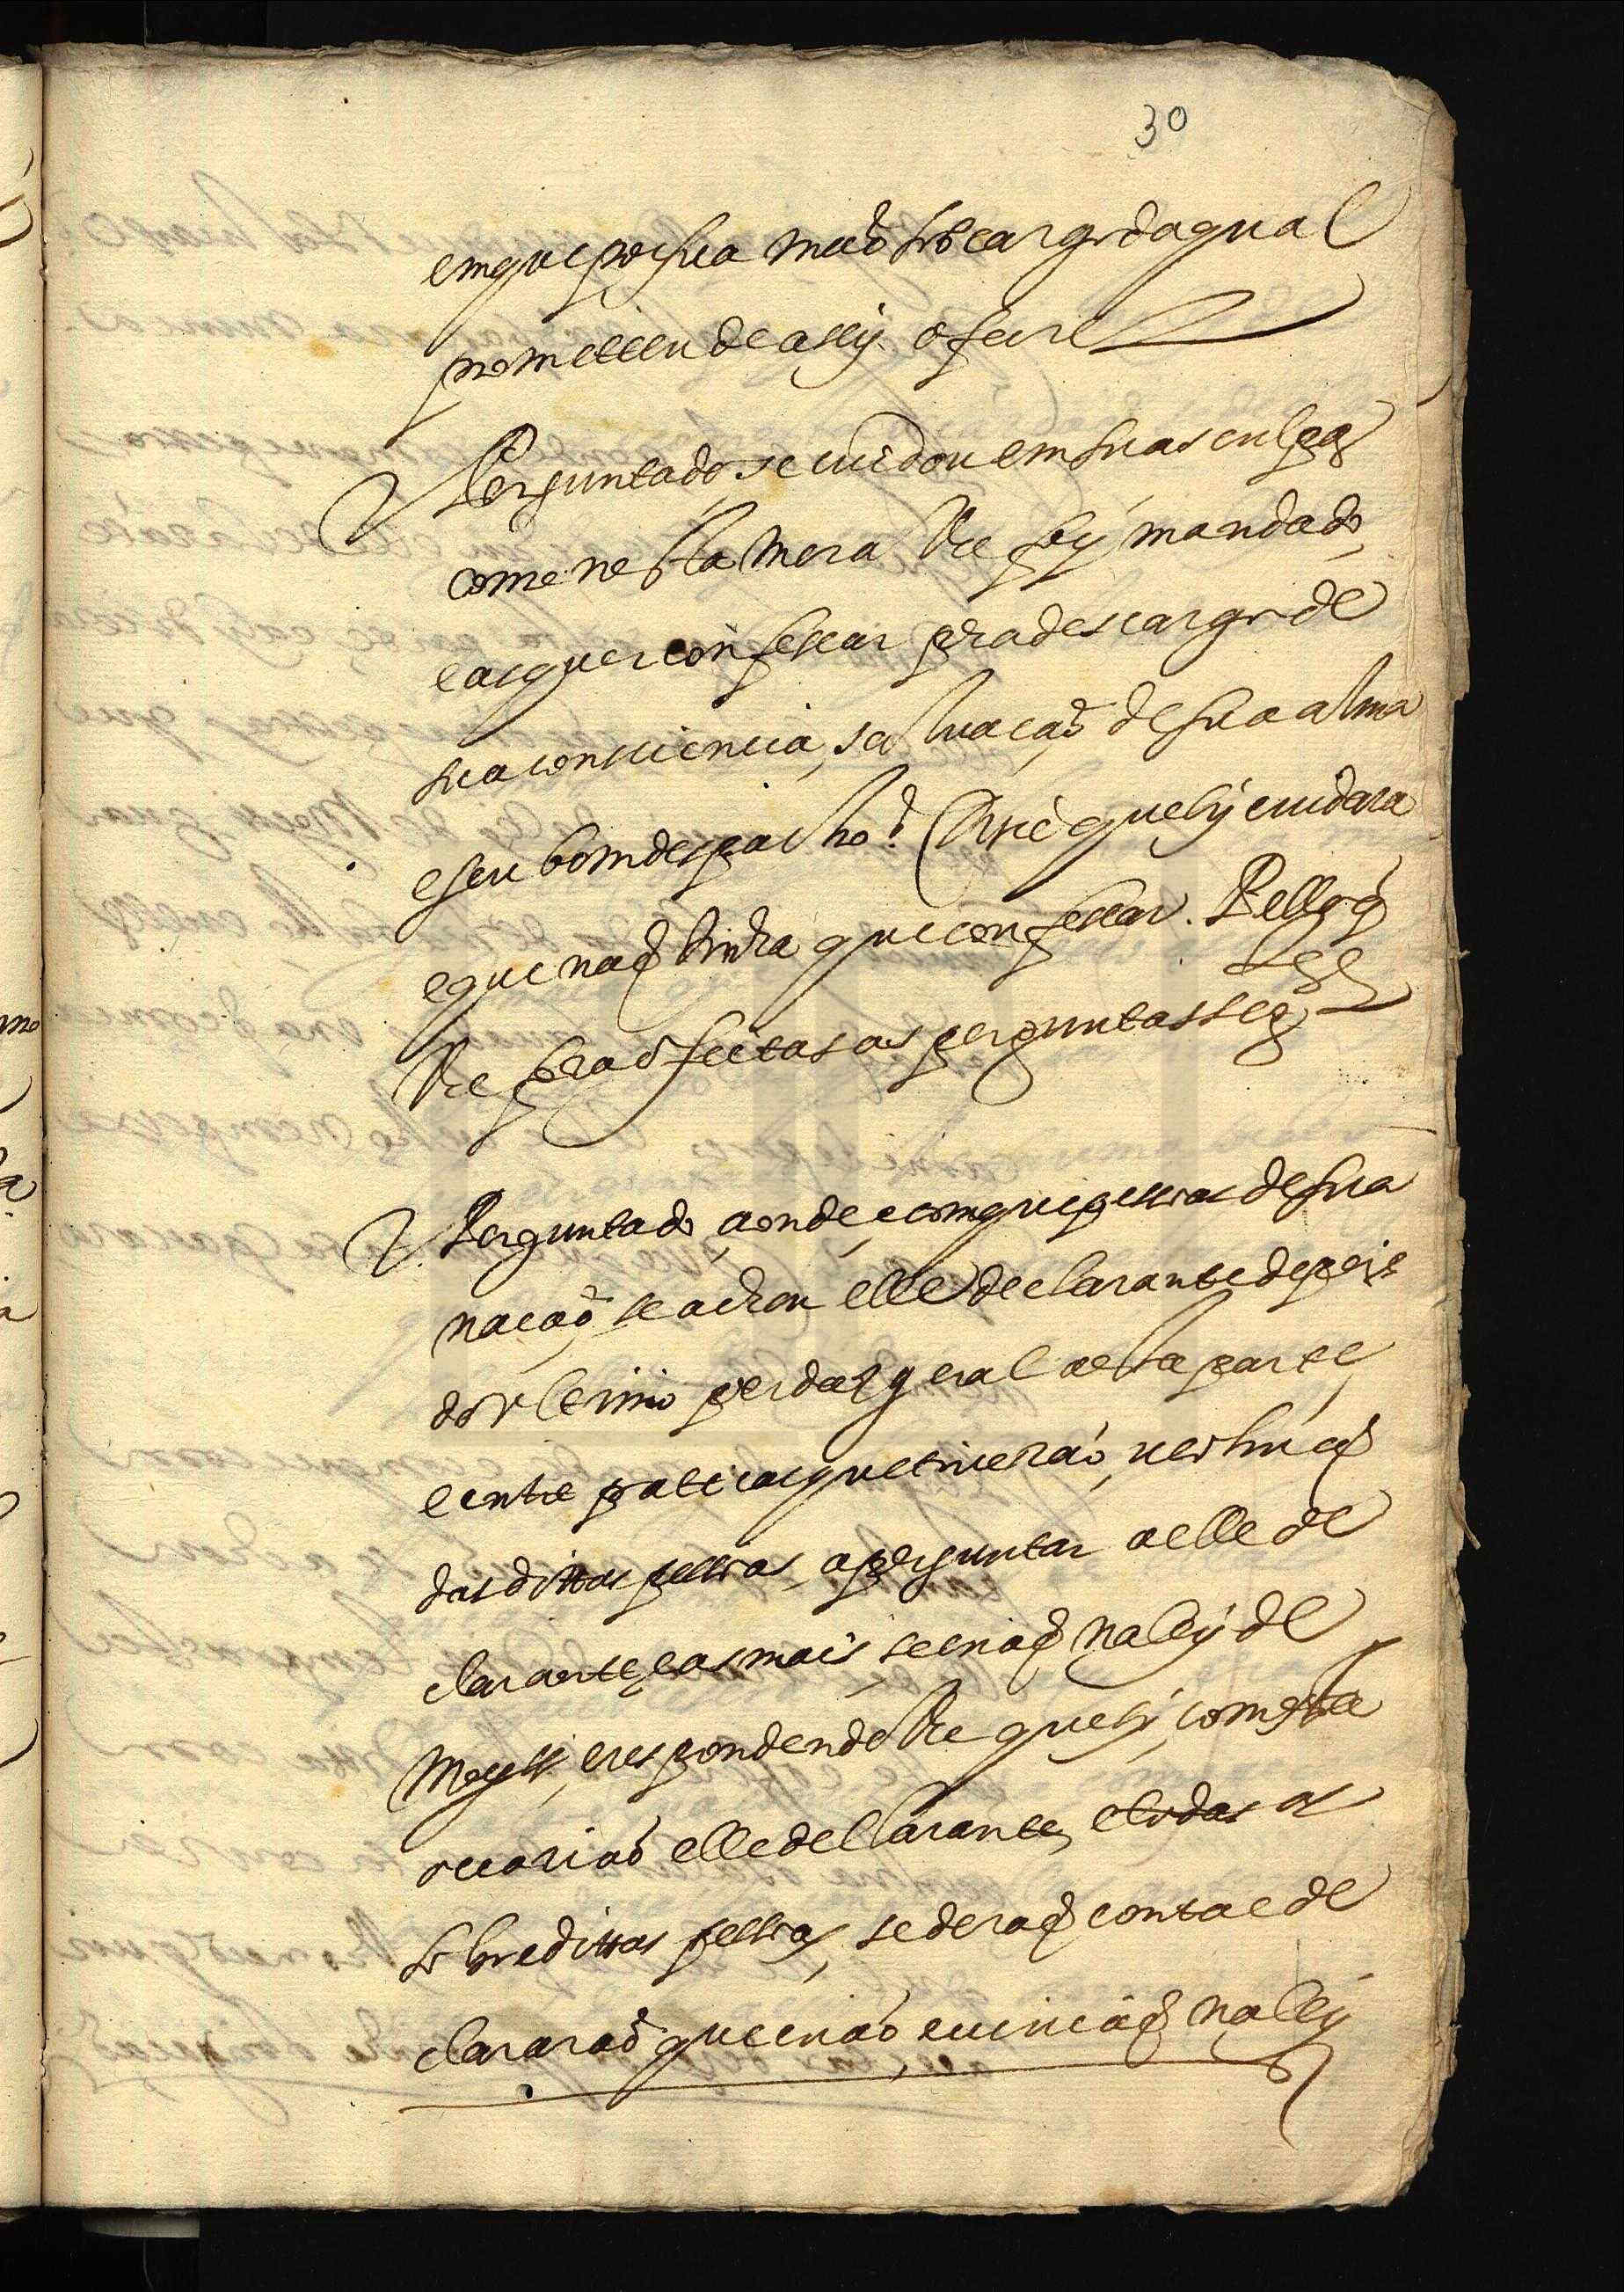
em que pos sua maõ sob cargo da qual
prometteu de assy o fazer
Perguntado se cuidou em suas culpas
como nesta meza lhe foy mandado,
e as quer confessar pera descargo de
sua consciencia, saluaçaõ de sua alma
e seu bom despacho? Disse que sy cuidara
e que naõ tinha que confessar. Pello q̄
lhe forão feitas as perguntas segtes
Perguntado aonde e com que pessoas de sua
naçaõ se achou elle declarante depois
do vltimo perdaõ geral a esta parte
e entre praticas que tiueraõ, ueo huā
das dittas pessoas, a perguntar a elle de
clarante, e as mais se criaõ na ley de
Moyses, e respondendolhe que sy, com esta
occaziaõ elle declarante, e todas as
sobredittas pessoas, se deraõ conta e de
clararaõ que criaõ e uiuiaõ na ley
